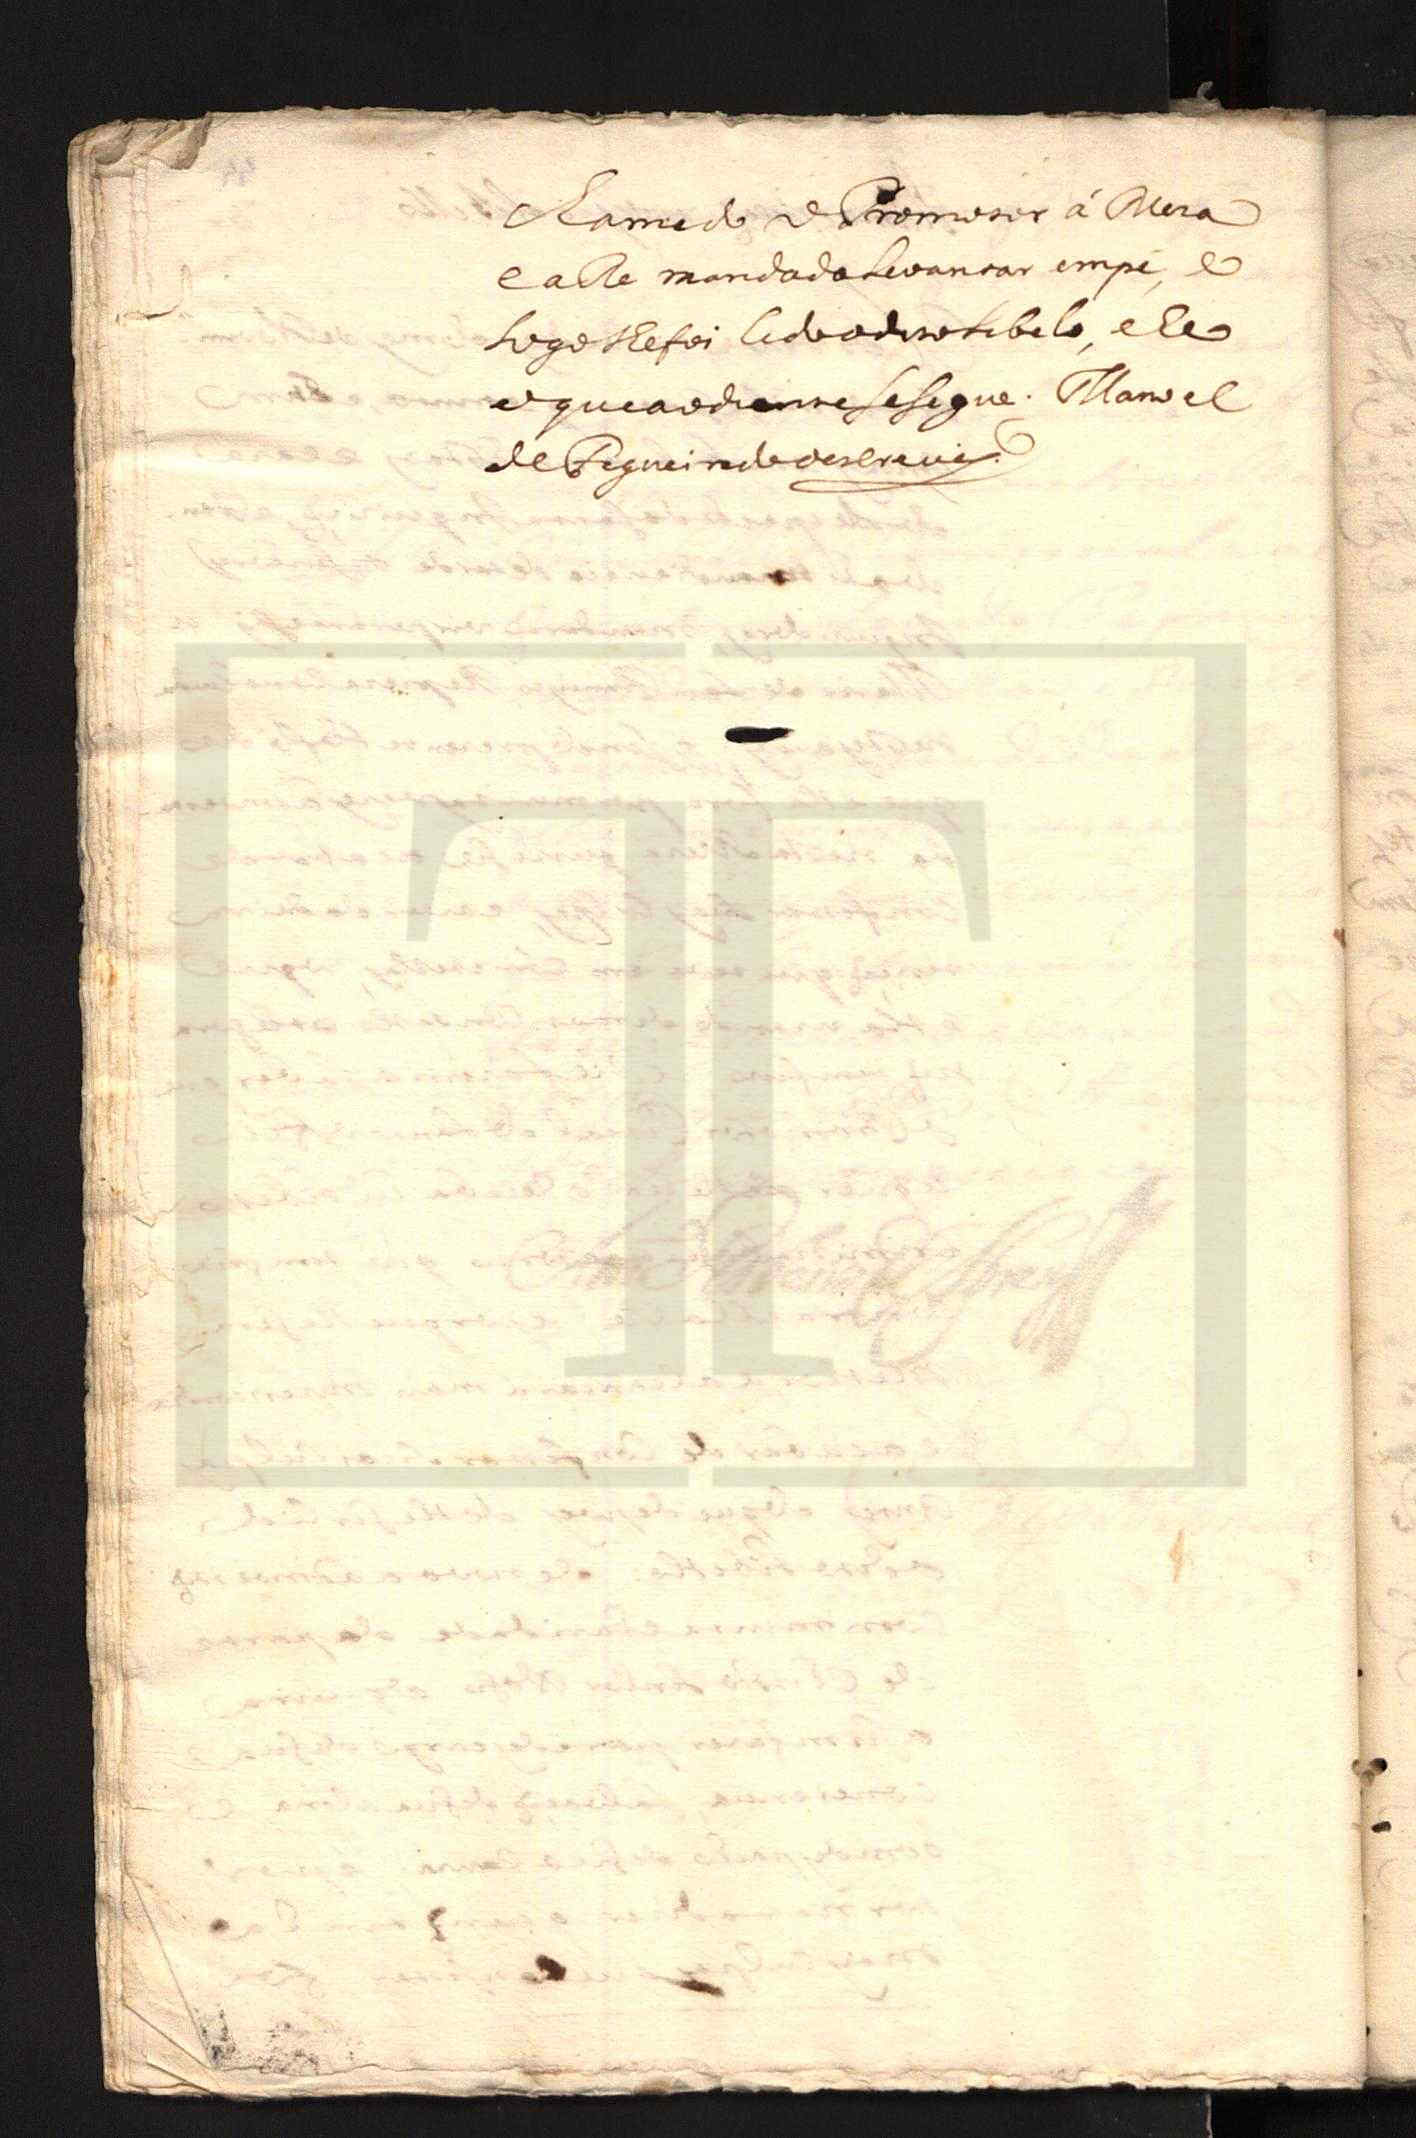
chamado o Promotor á Meza
e a Re mandada Levantar em pe, e
logo lhe foi lido o dito libelo, e he
o que aodiante se segue. Manoel
de Fegueiredo o escreuy.
